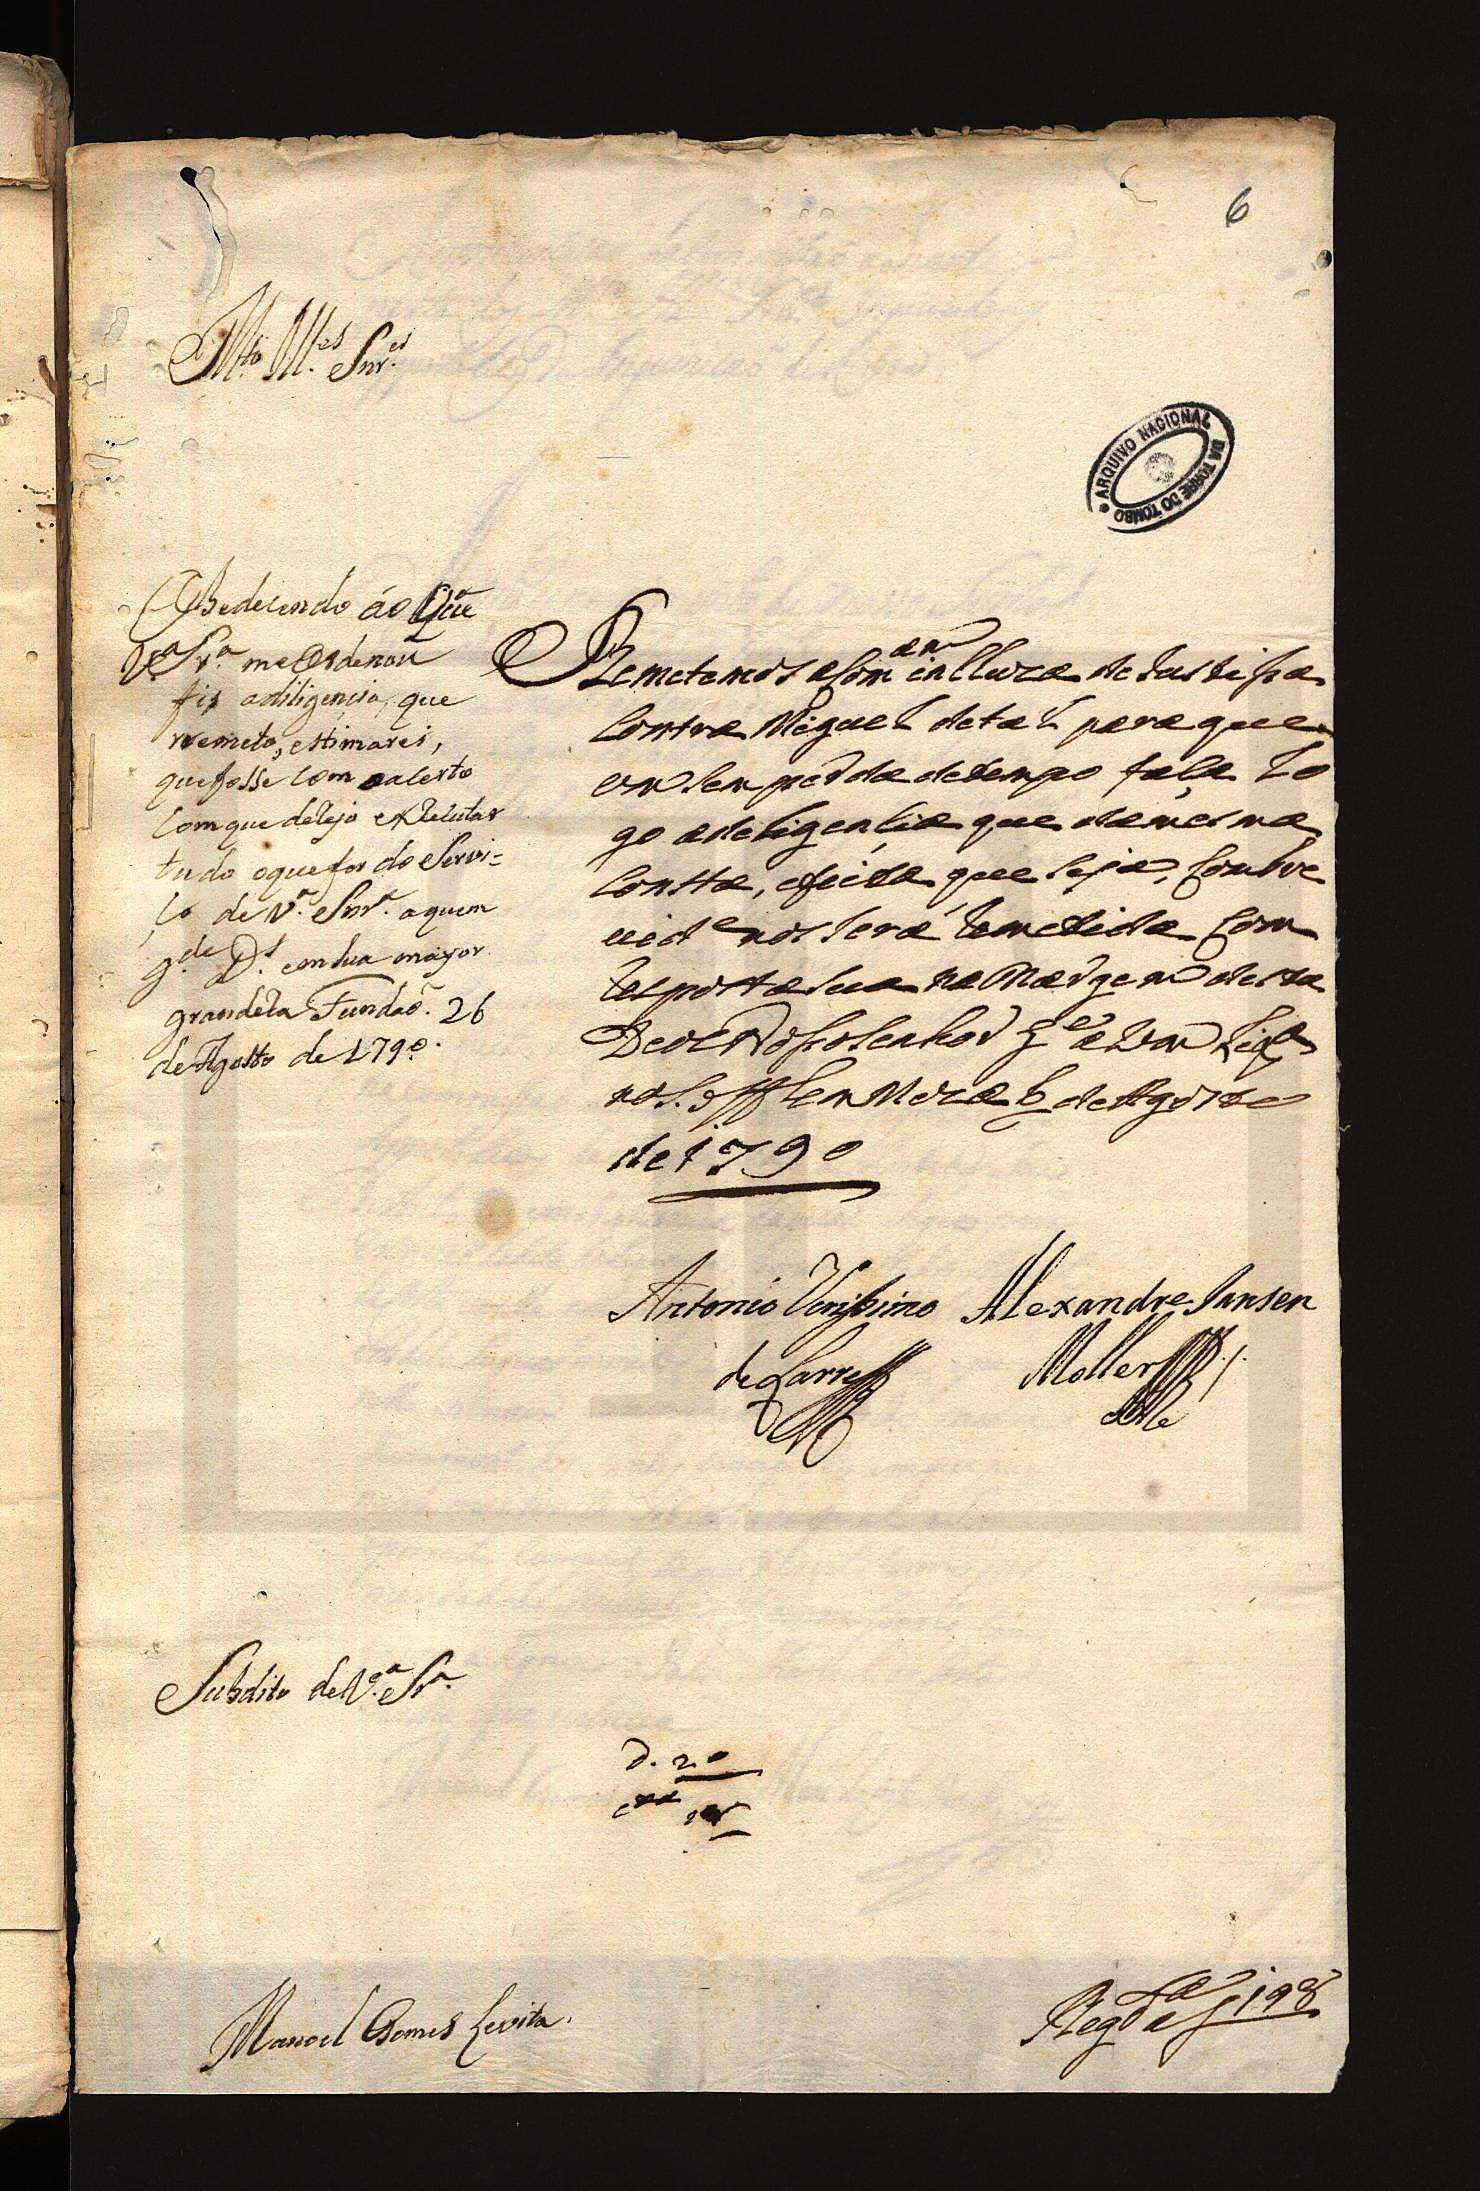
M.to Ill.es Snr.es
Obedecendo áo Que
V.a Sr.a me ordenou
fis a diligençia, que
rremeto, estimarei,
que fosse com o acerto
Com que deZejo exZecutar
tudo o que for do Servi
Ço de V.a Snr.a a quem
G.de D.s em Sua mayor
grandeZa Fundaõ. 26
de Agosto de 1790.
Subdito de V.a Sr.a
Manoel Gomes Levita
Remetemos a Com.am inCluza de Iustissa
Contra Miguel de tal para que
vm sem perda de tempo faÇa lo
go a deligenÇia que da mesma
Consta, e feita que seja, Com bre
vide nos será Remetida Com
Resposta sua na margem desta
Deoz Nosso senhor Ge a vm Lixa
no s. off.o em meza 6 de Agosto
de i790
Antonio Verissimo
de Larre
Alexandre Iansen
Moller
d.20
cta 2_
Regd.ta a f i98
